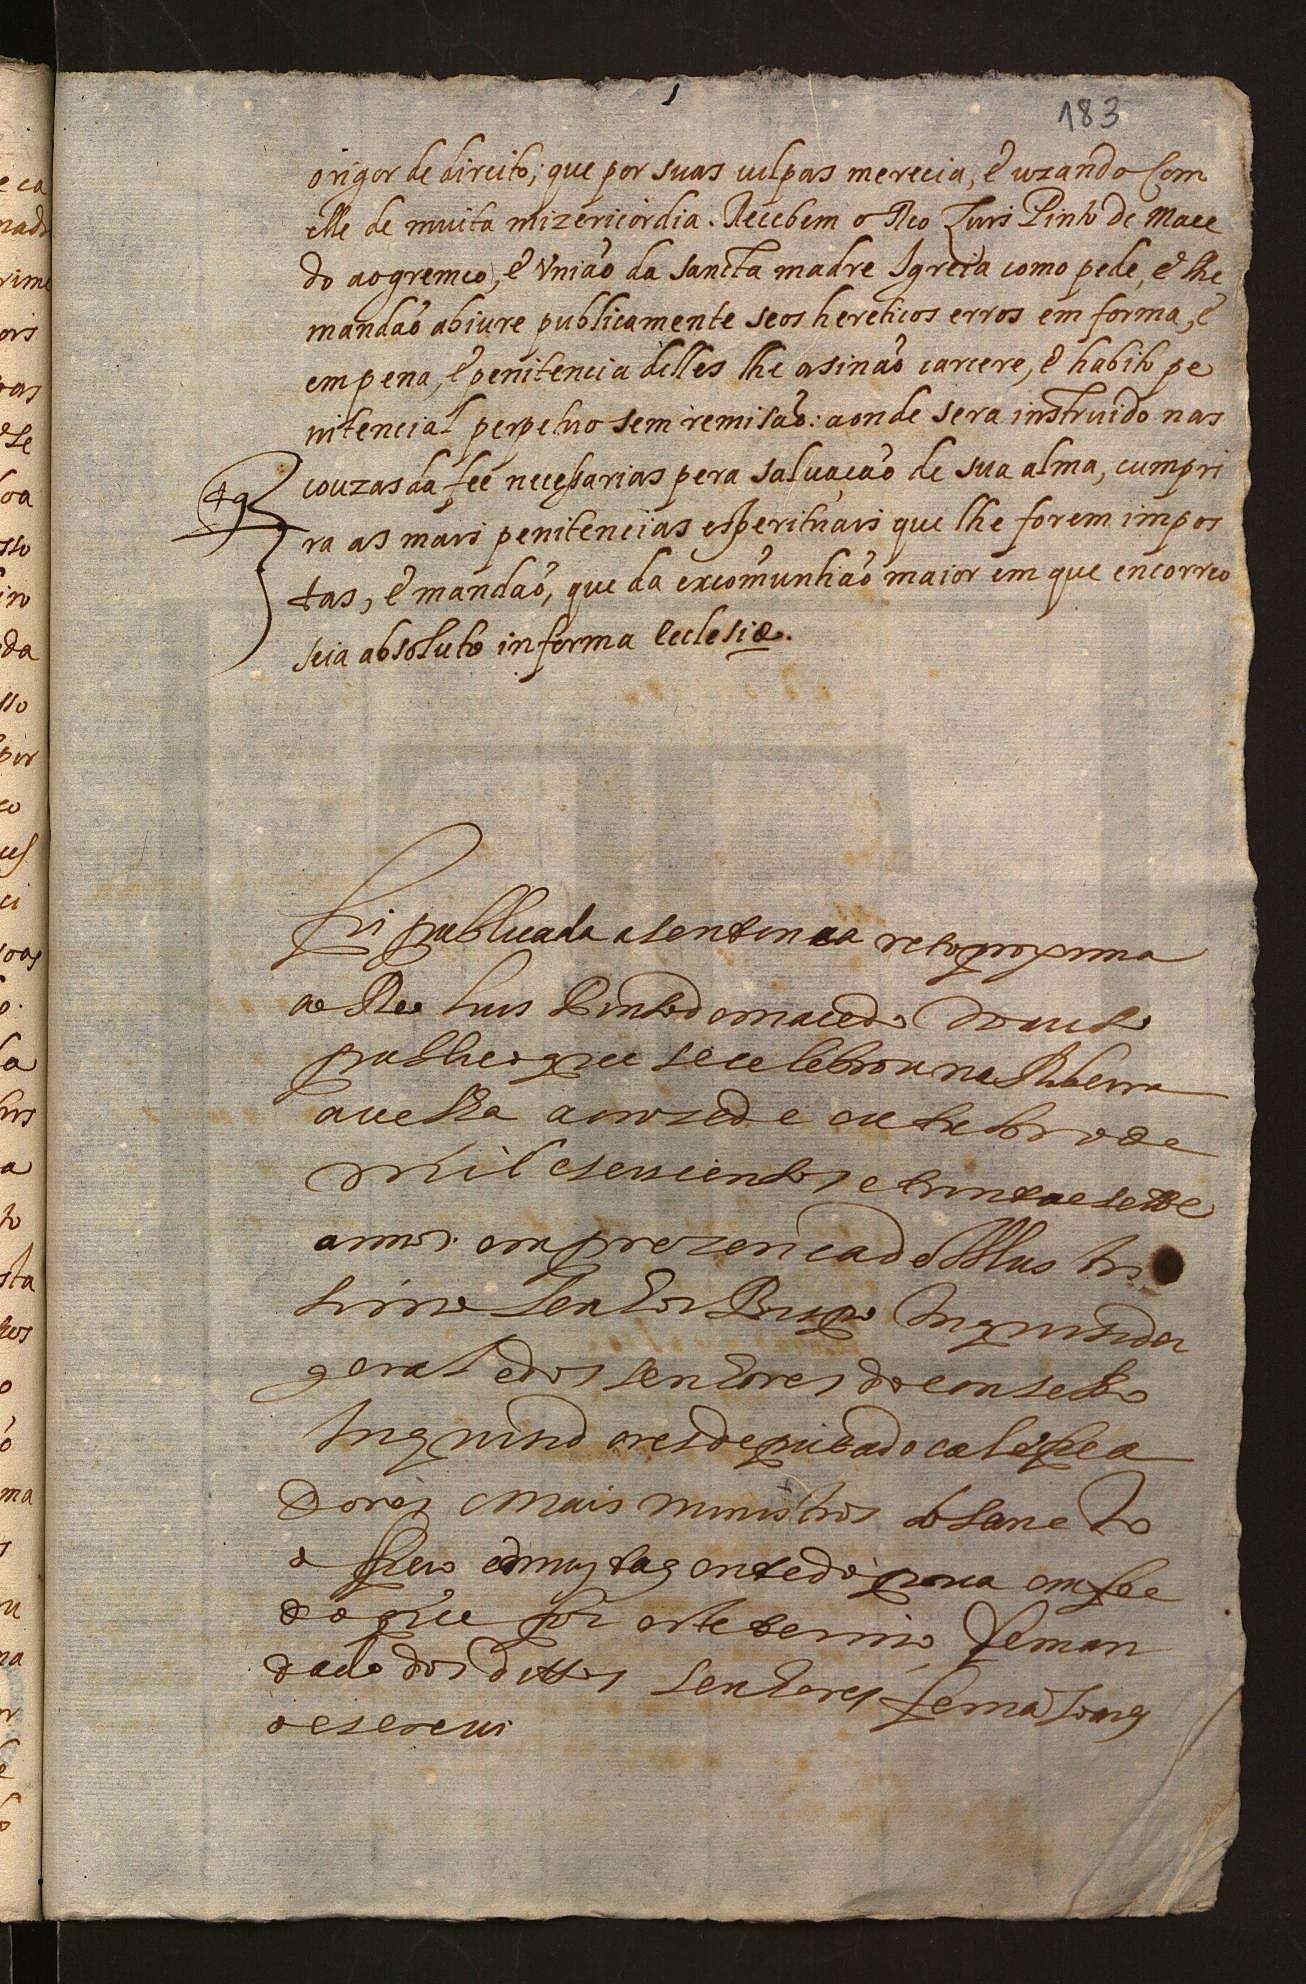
o rigor de direito; que por suas culpas merecia, e uzando Com
elle de muita mizericordia. Recebem o Reo Luis Pinto de mace
do ao gremio, e vnião da sancta madre Igreia como pede, e lhe
mandaõ abiure publicamente seos hereticos erros em forma, e
em pena, e penitencia delles lhe asinaõ carcere, e habito pe
nitencial perpetuo sem remisaõ: aonde sera instruido nas
couzas da feé necessarias pera saluação de sua alma, cumpri
ra as mais penitencias esperituais que lhe forem impos
tas, e mandaõ, que da excom̄unhão maior em que encorreo
seia absoluto in forma ecclesiæ.
foi publicada a sentença reto proxima
ao Reo Luis Pinto do macedo no auto
publico que se celebrou na Ribeira
a uelha a onze de outubro de
mil e seiscentos e trinta e sette
annos em prezença do Illustris
simo Senhor Bispo Inquisidor
geral e dos senhores do conselho
Inquisidores deputado calefica
dores e mais ministros do sancto
oficio e mujta gente do pouo em fee
do que fiz este termo de man
dado dos dittos Senhores fernaõ Soares
o escreui
